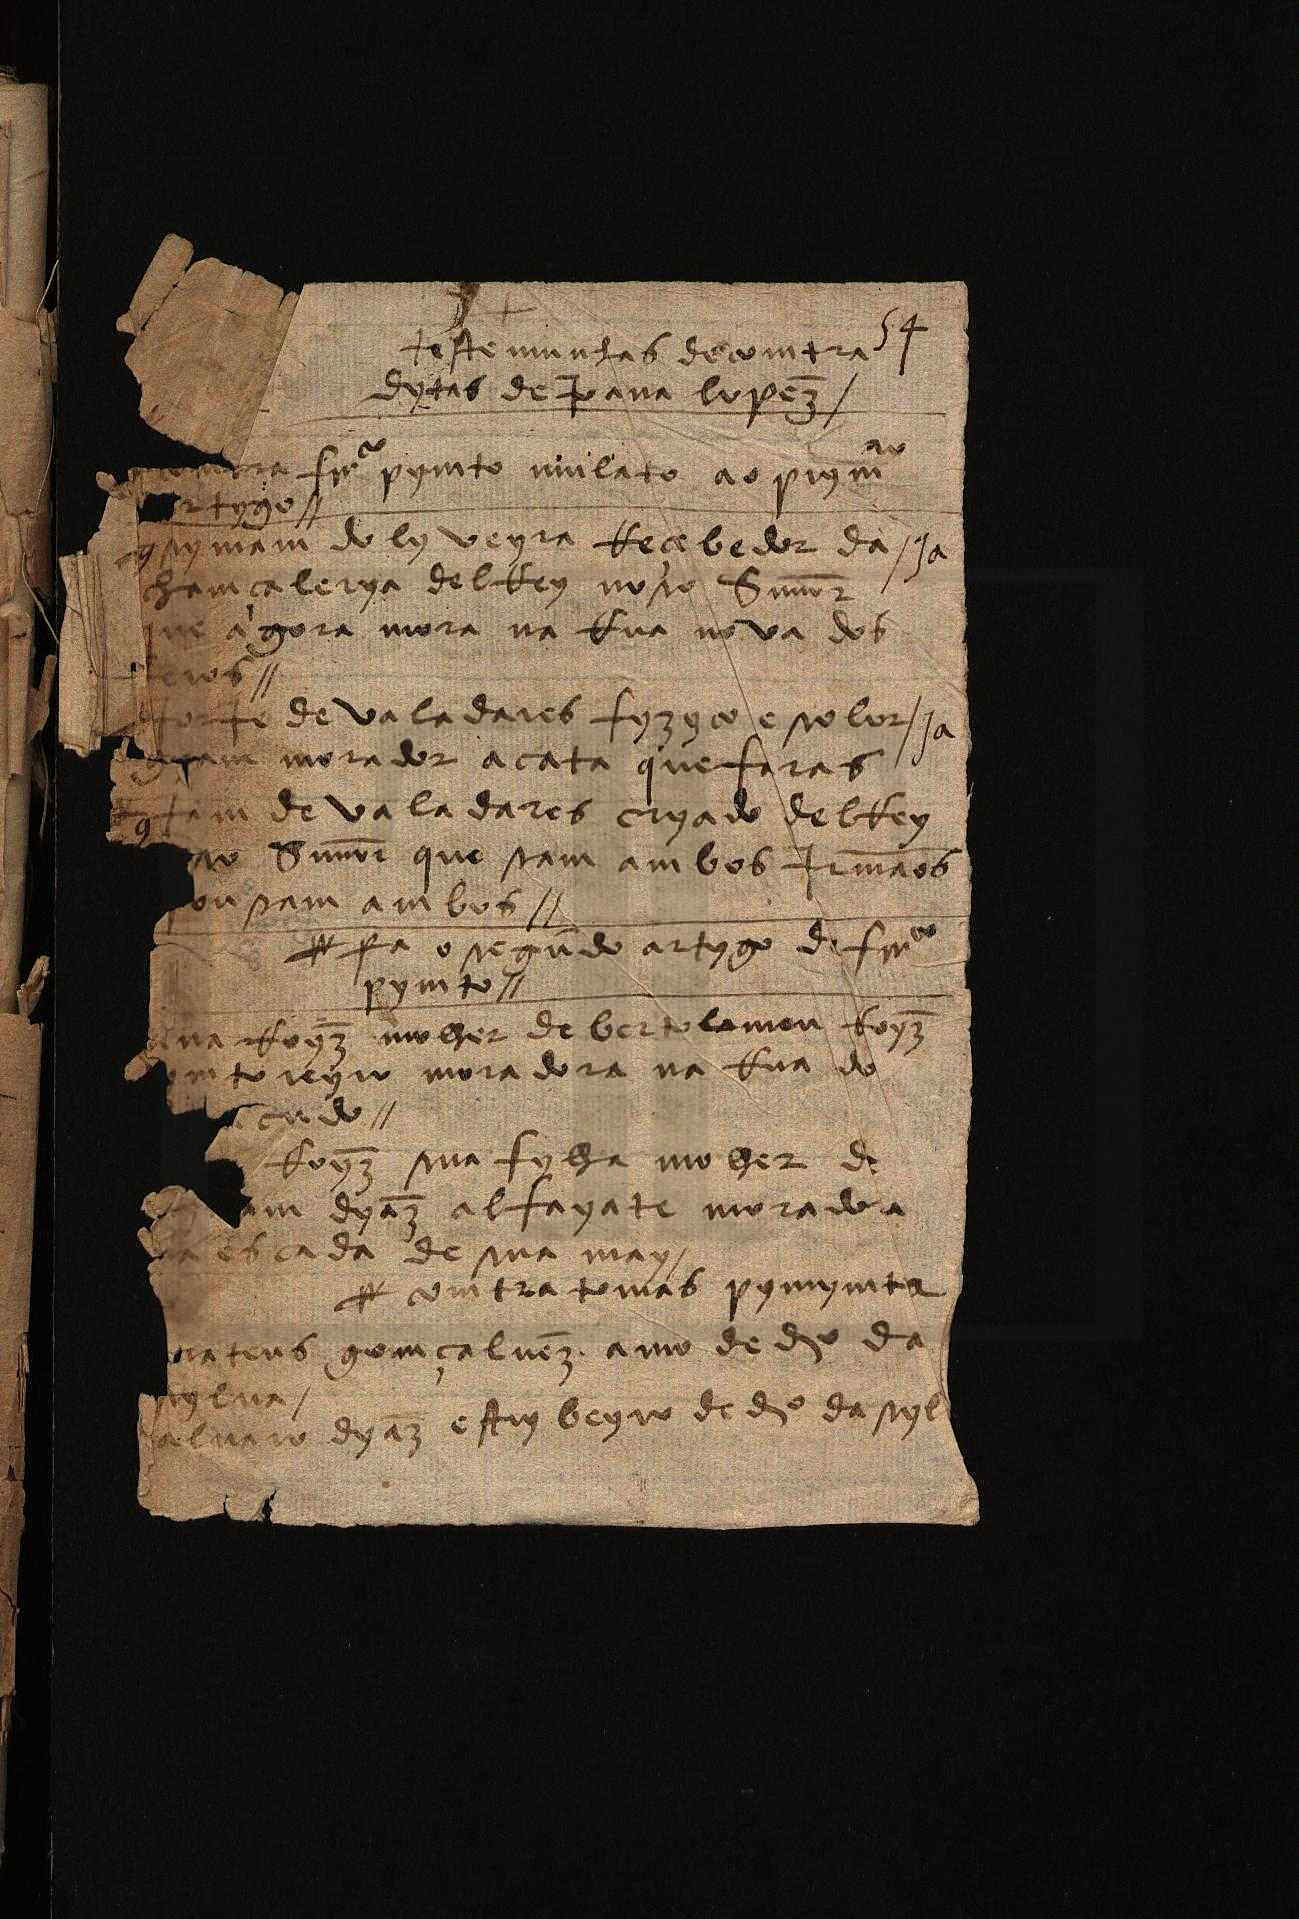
testemunhas de comtra
dytas de Joana lopez
comtra fraco pymto mulato ao prymro
rtygo
ꝯ symam dolyveyra Recebedor da / Ja
chamçalerya del Rey noso Snn̄or
que agora mora na Rua nova dos
feros
JorJe de Valadares fyzyco e solor / Ja
giam morador a cata que faras
ꝯ Jam de Valadares cryado del Rey
so Snn̄or que sam ambos Jrmãos
ousam ambos //
item ꝑa o segūdo artygo de fraco
pymto //
ana Royz̄ molher de bertolameu Roȳz
ymtoreyro moradora na Rua do
cudo //
Roȳz sua fylha molher de
am dyaz alfayate moradoa
na escada de sua may /
item comtra tomas pymymta
mateus gomçaluez amo de djo da
sylua /
aluaro dyaz estrybeyro de djo da syl
